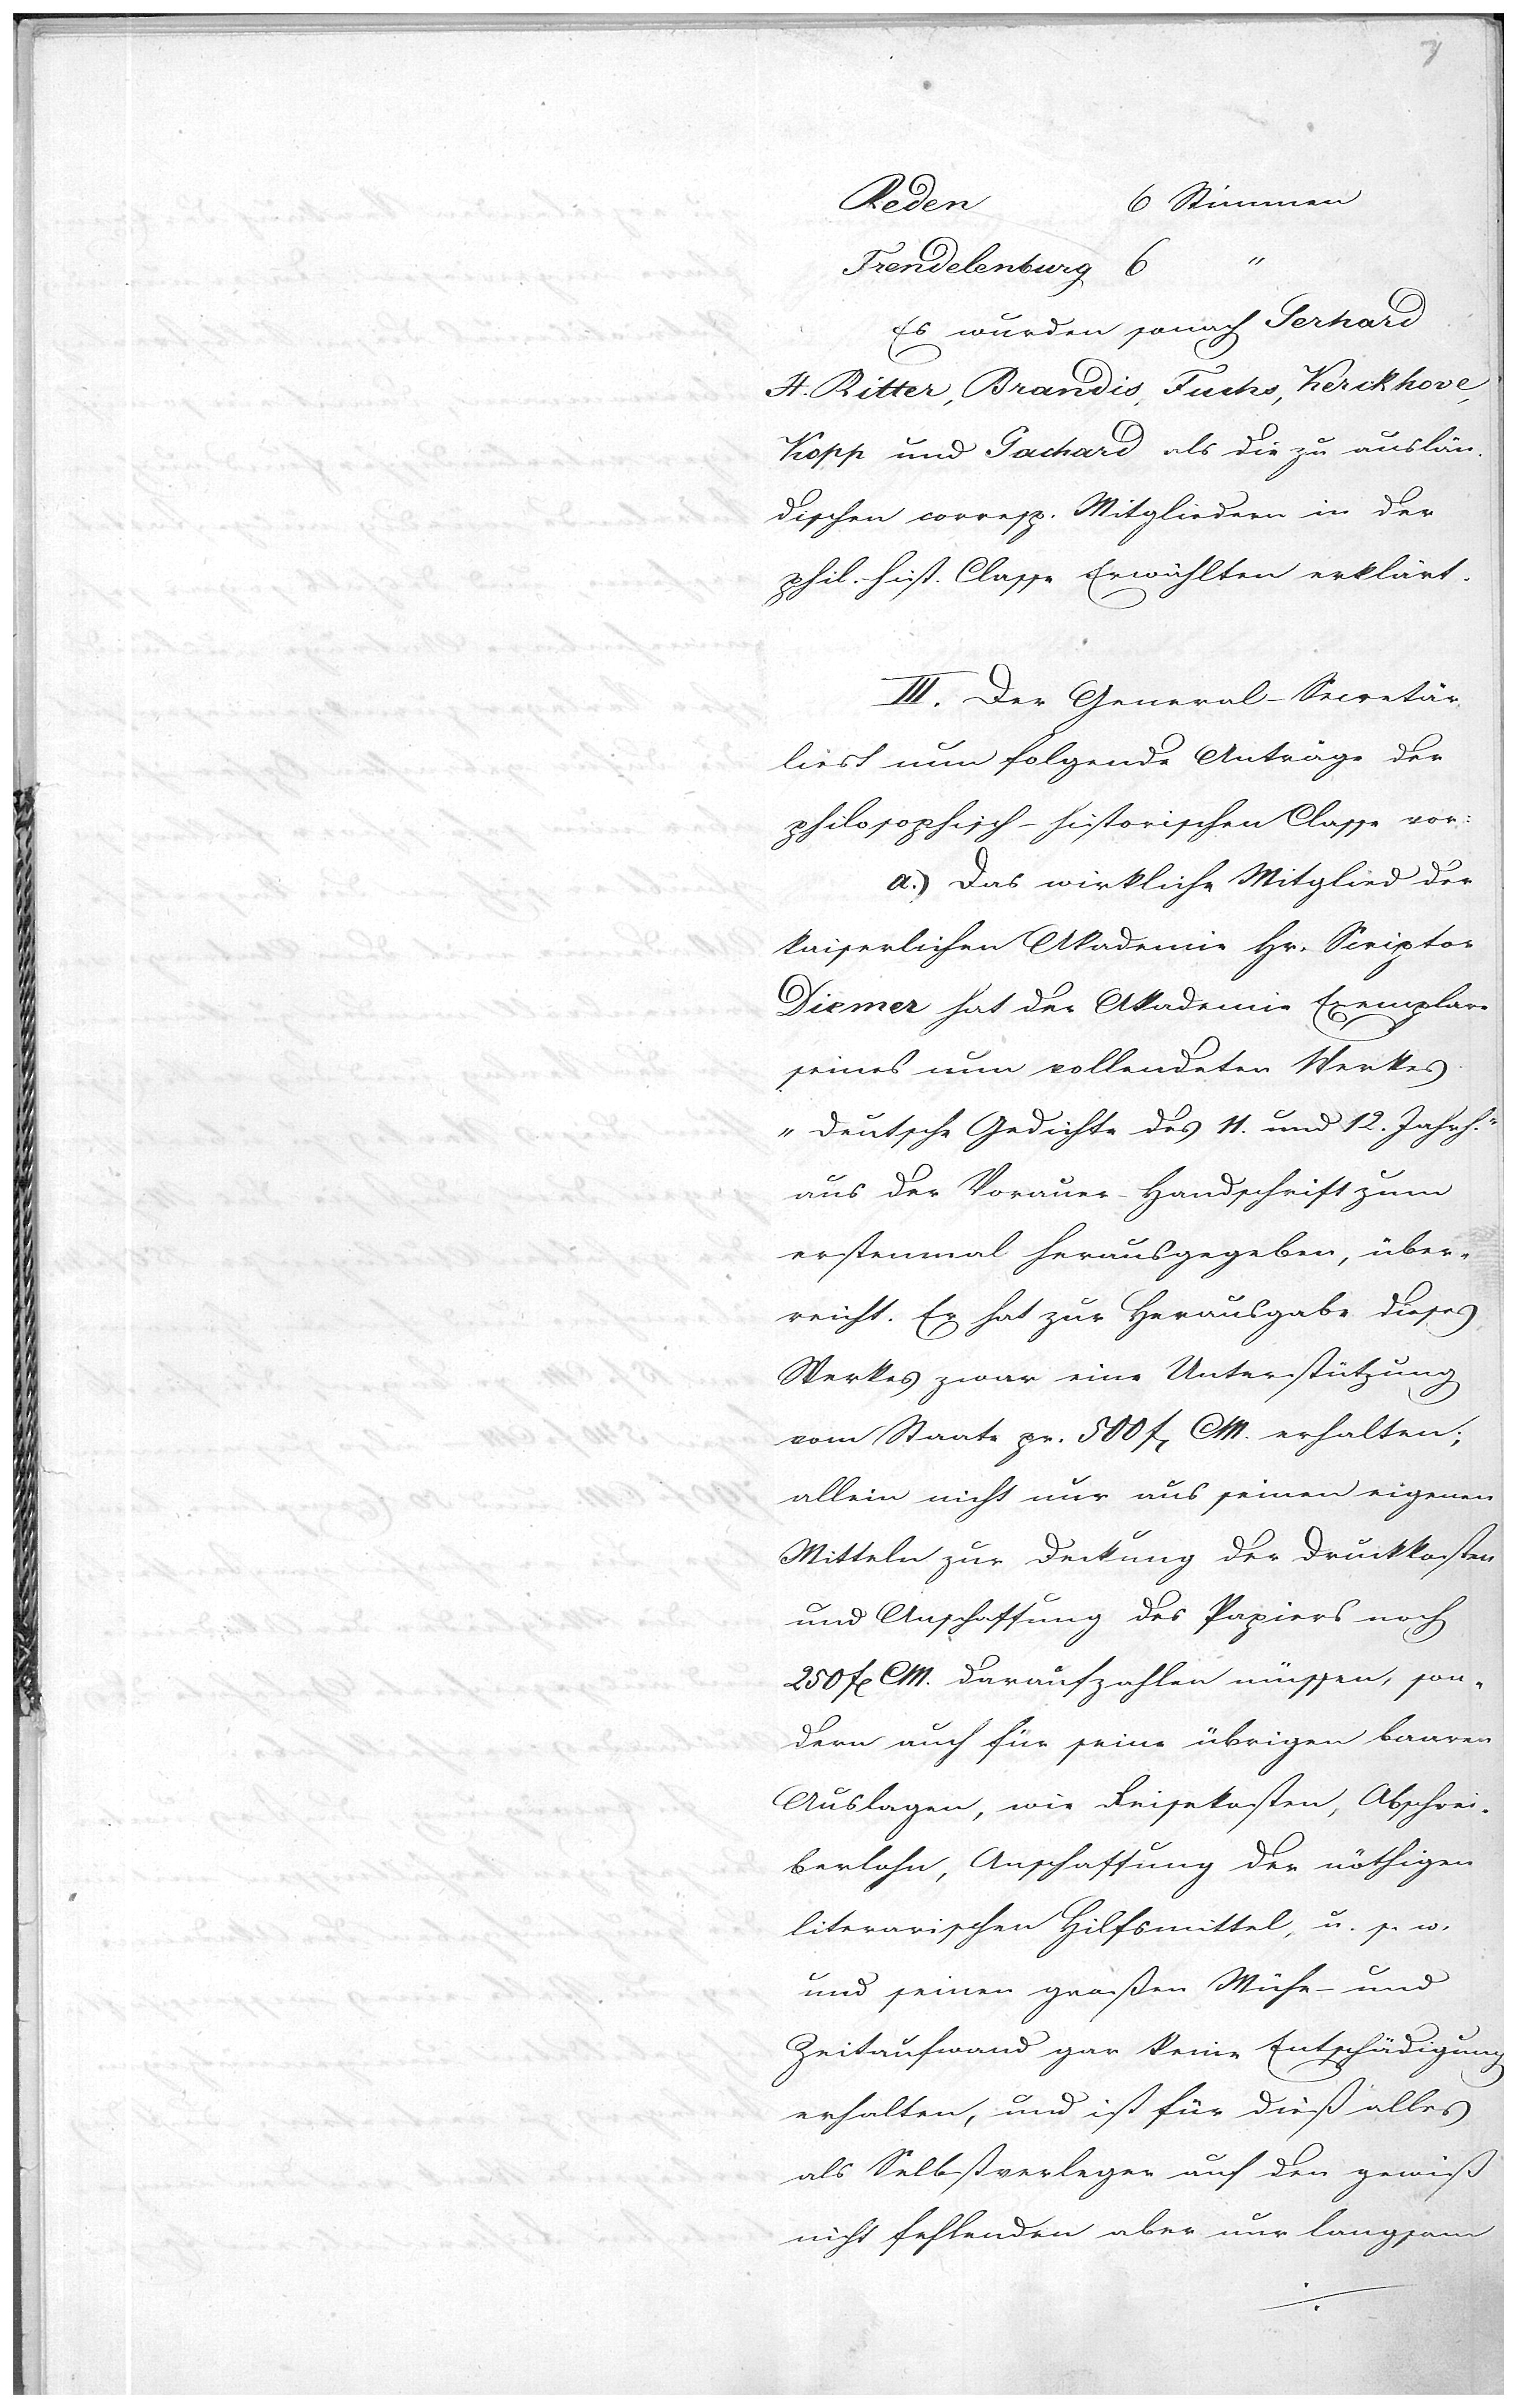Reden 6 Stimmen
Trendelenburg 6 "
Es wurden sonach Gerhard
H. Ritter, Brandis, Fuchs, Kerckhove,
Kopp und Gachard als die zu auslän-
dischen corresp. Mitgliedern in der
phil.-hist. Classe Erwählten erklärt.
III. Der General-Secretär
liest nun folgende Anträge der
philosophsch-historischen Classe vor:
a.) Das wirkliche Mitglied der
kaiserlichen Akademie Hr. Scriptor
Diemer hat der Akademie Exemplare
seines nun vollendeten Werkes
"Deutschen Gedichte des 11. und 12. Jahrh."
aus der Vorauer Handschrift zum
erstenmal herausgegeben, über-
reicht. Er hat zur Herausgabe dieses
Werkes zwar eine Unterstützung
vom Staate pr. 500 fl. CM erhalten;
allein nicht nur aus seinen eigenen
Mittel zur Deckung der Druckkosen
und Anschaffung des Papier noch
250 fl. CM daraufzahlen müssen, son-
dern auch für seine übrigen baaren
Auslagen, wie Reisekosten, Abschrei-
berlohn, Anschaftung der nöthigen
literarischen Hilfsmittel, u. s. w.
und seinen großen Mühe- und
Zeitaufwand gar keine Entschädigung
erhalten, und ist für dieß alles
als Selbstverleger auf den gewiß
nicht fehlenden, aber nur langsam